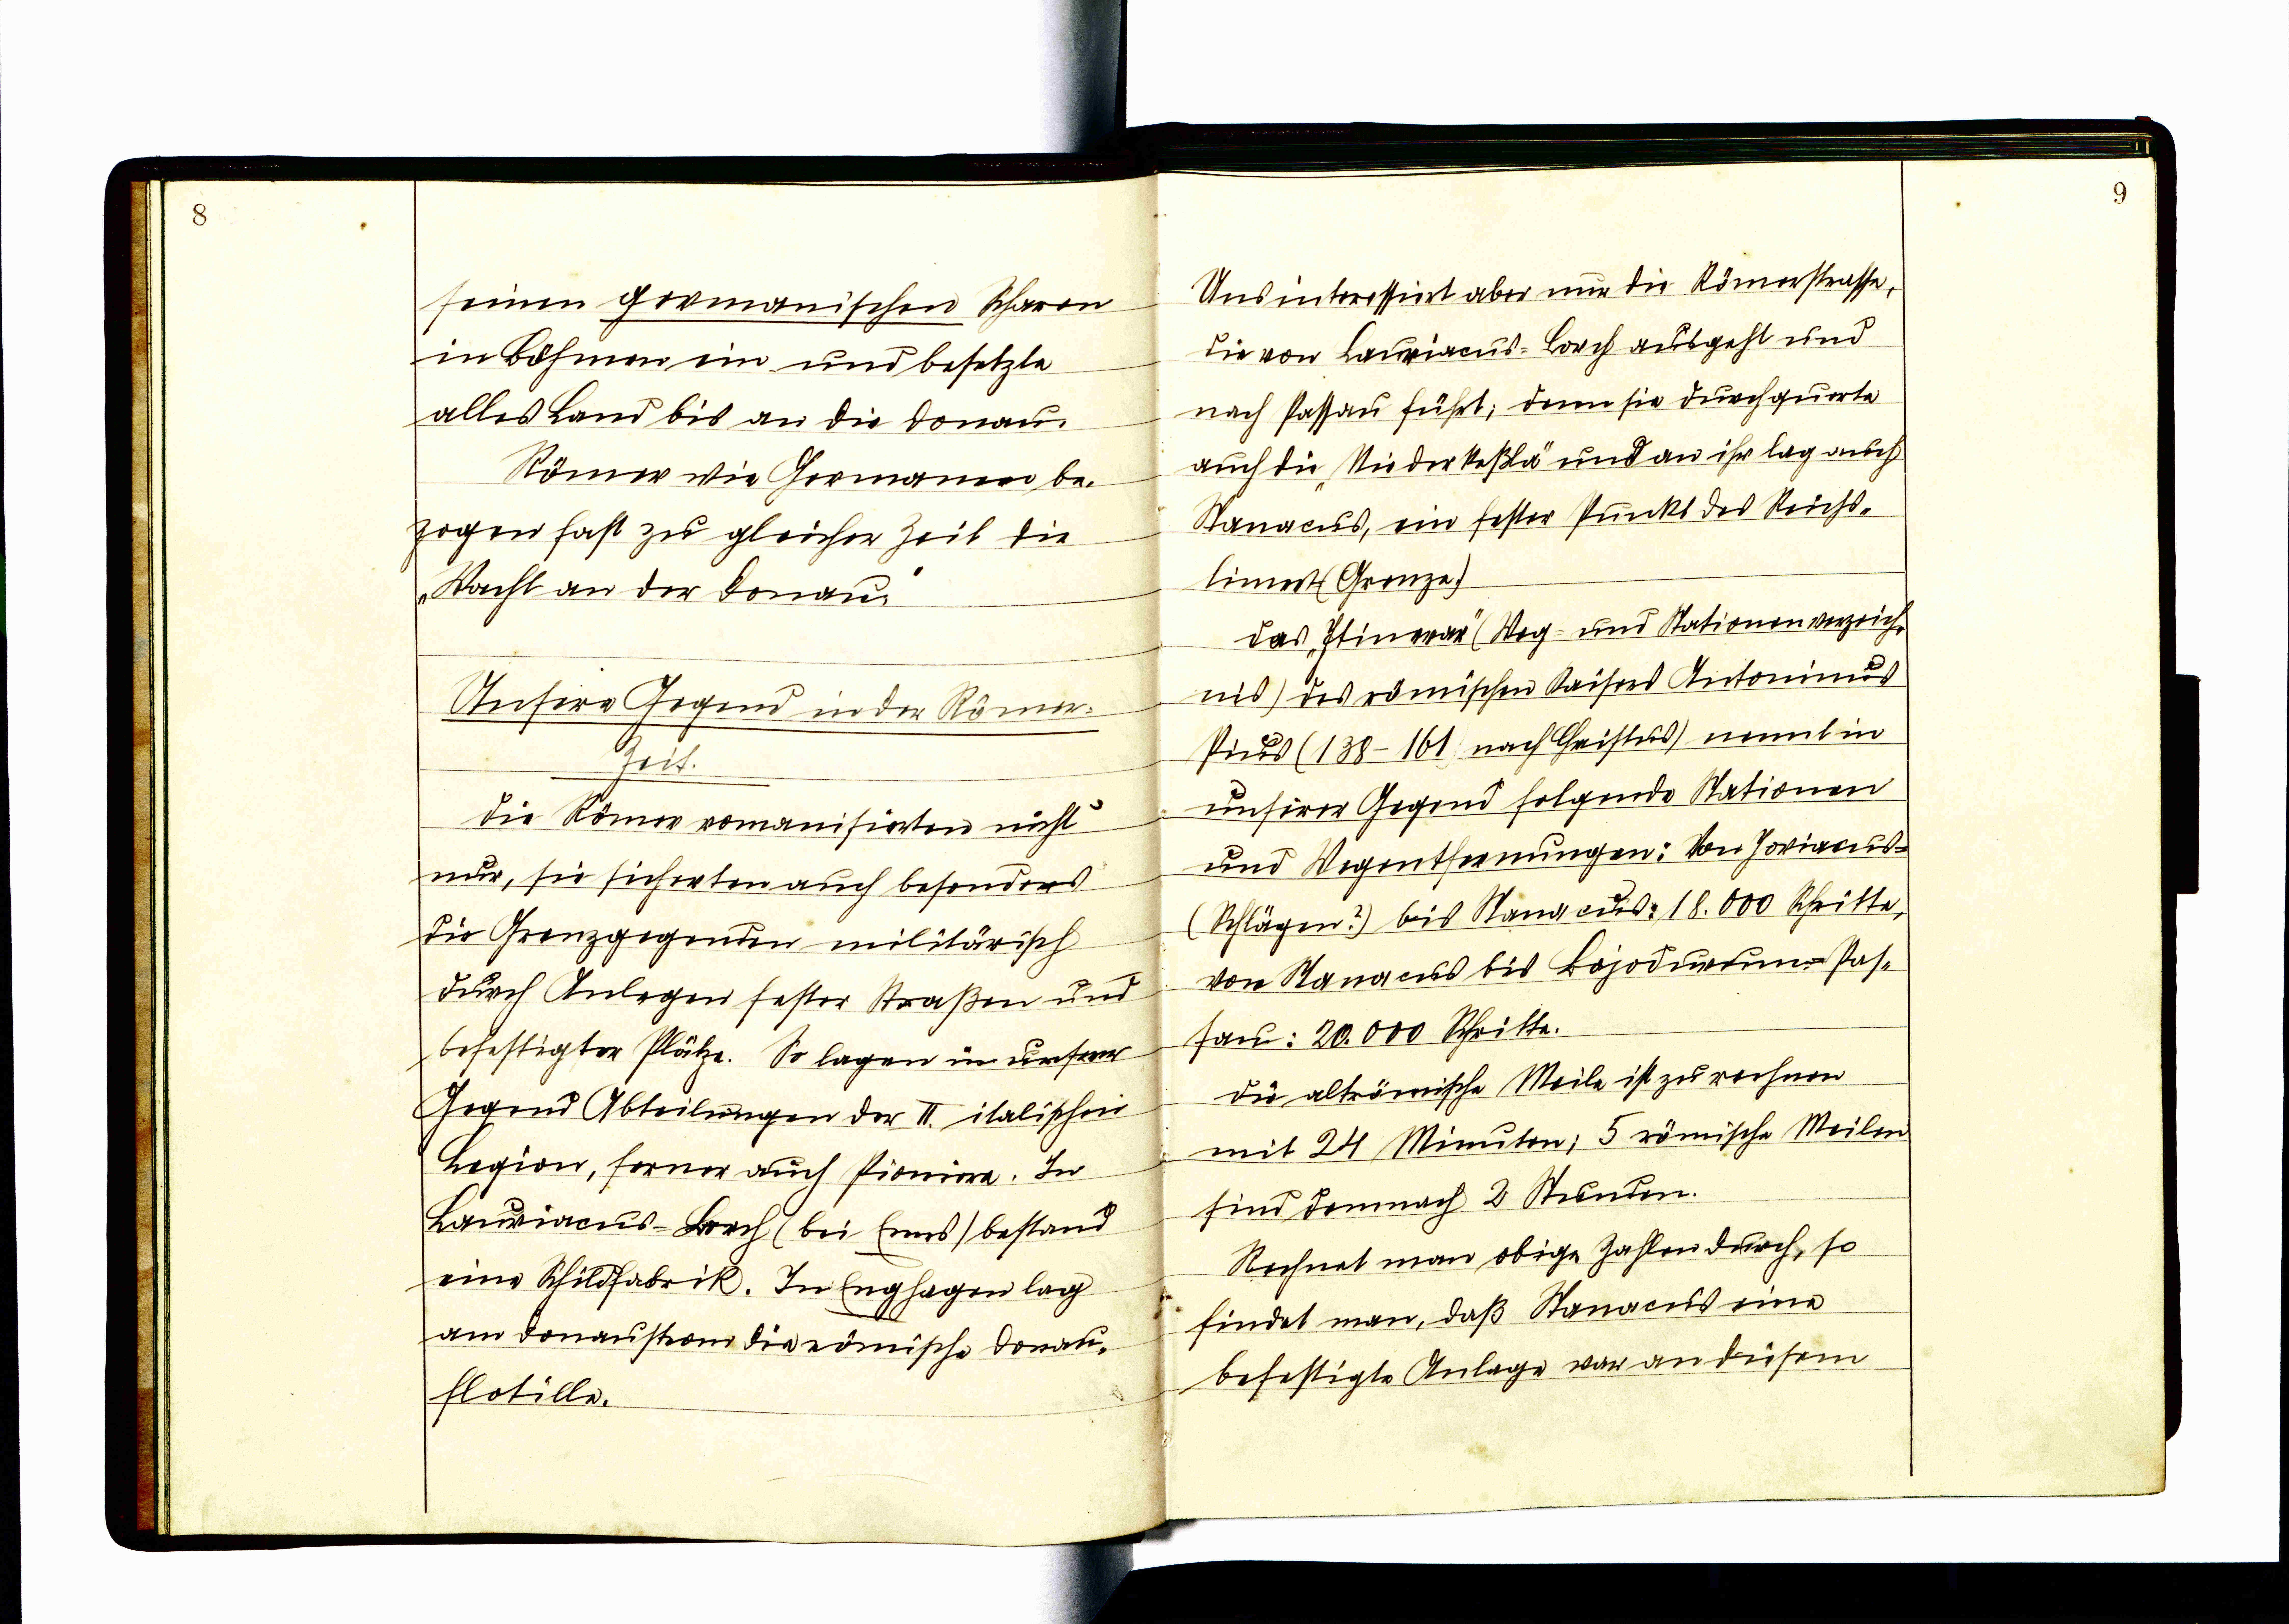seinen germanischen Scharen
in Böhmen ein und besetzte
alles Land bis an die Donau.
Römer wie Germanen be-
zogen fast zu gleicher Zeit die
„Macht an der Donau“
Unsere Gegend in der Römer-
zeit.
Die Römer romanisierten nicht
nur, die sicherten auch besonders
die Grenzgegenden militärisch
durch Anlegen fester Straßen und
befestigter Plätze. So lagen in unserer
Gegend Abteilungen der II. italischen
Legion, ferner auch Pioniere. In
Lauriacus – Lorch (bei Enns) bestand
eine Schildfabrik. In Enghagen lag
am Donaustrom die römische Donau-
flotille.
Uns interessiert aber nur die Römerstrasse,
die von Lauriacus – Lorch ausgeht und
nach Passau führt; denn sie durchquerte
auch die „Niederkeßla“ und an ihr lag auch
Stanacus, ein fester Punkt des Reichs-
limes (Grenze).
Das „Itinerar“ (Weg- und Stationenverzeich-
nis) des römischen Kaisers Antoninus
Pius (138 – 161 nach Christus) nennt in
unserer Gegend folgende Stationen
und Wegentfernungen: Von Ioviacus-
(Schlägen ?) bis Stanacus: 18.000 Schritte,
von Stanacus bis Bojod??? – Pas
sau: 20.000 Schritte.
Die altrömische Meile ist zu rechnen
mit 24 Minuten; 5 römische Meilen
sind demnach 2 Stunden.
Rechnet man obige Zahlen durch, so
findet man, daß Stanacus eine
befestigte Anlage war an diesem